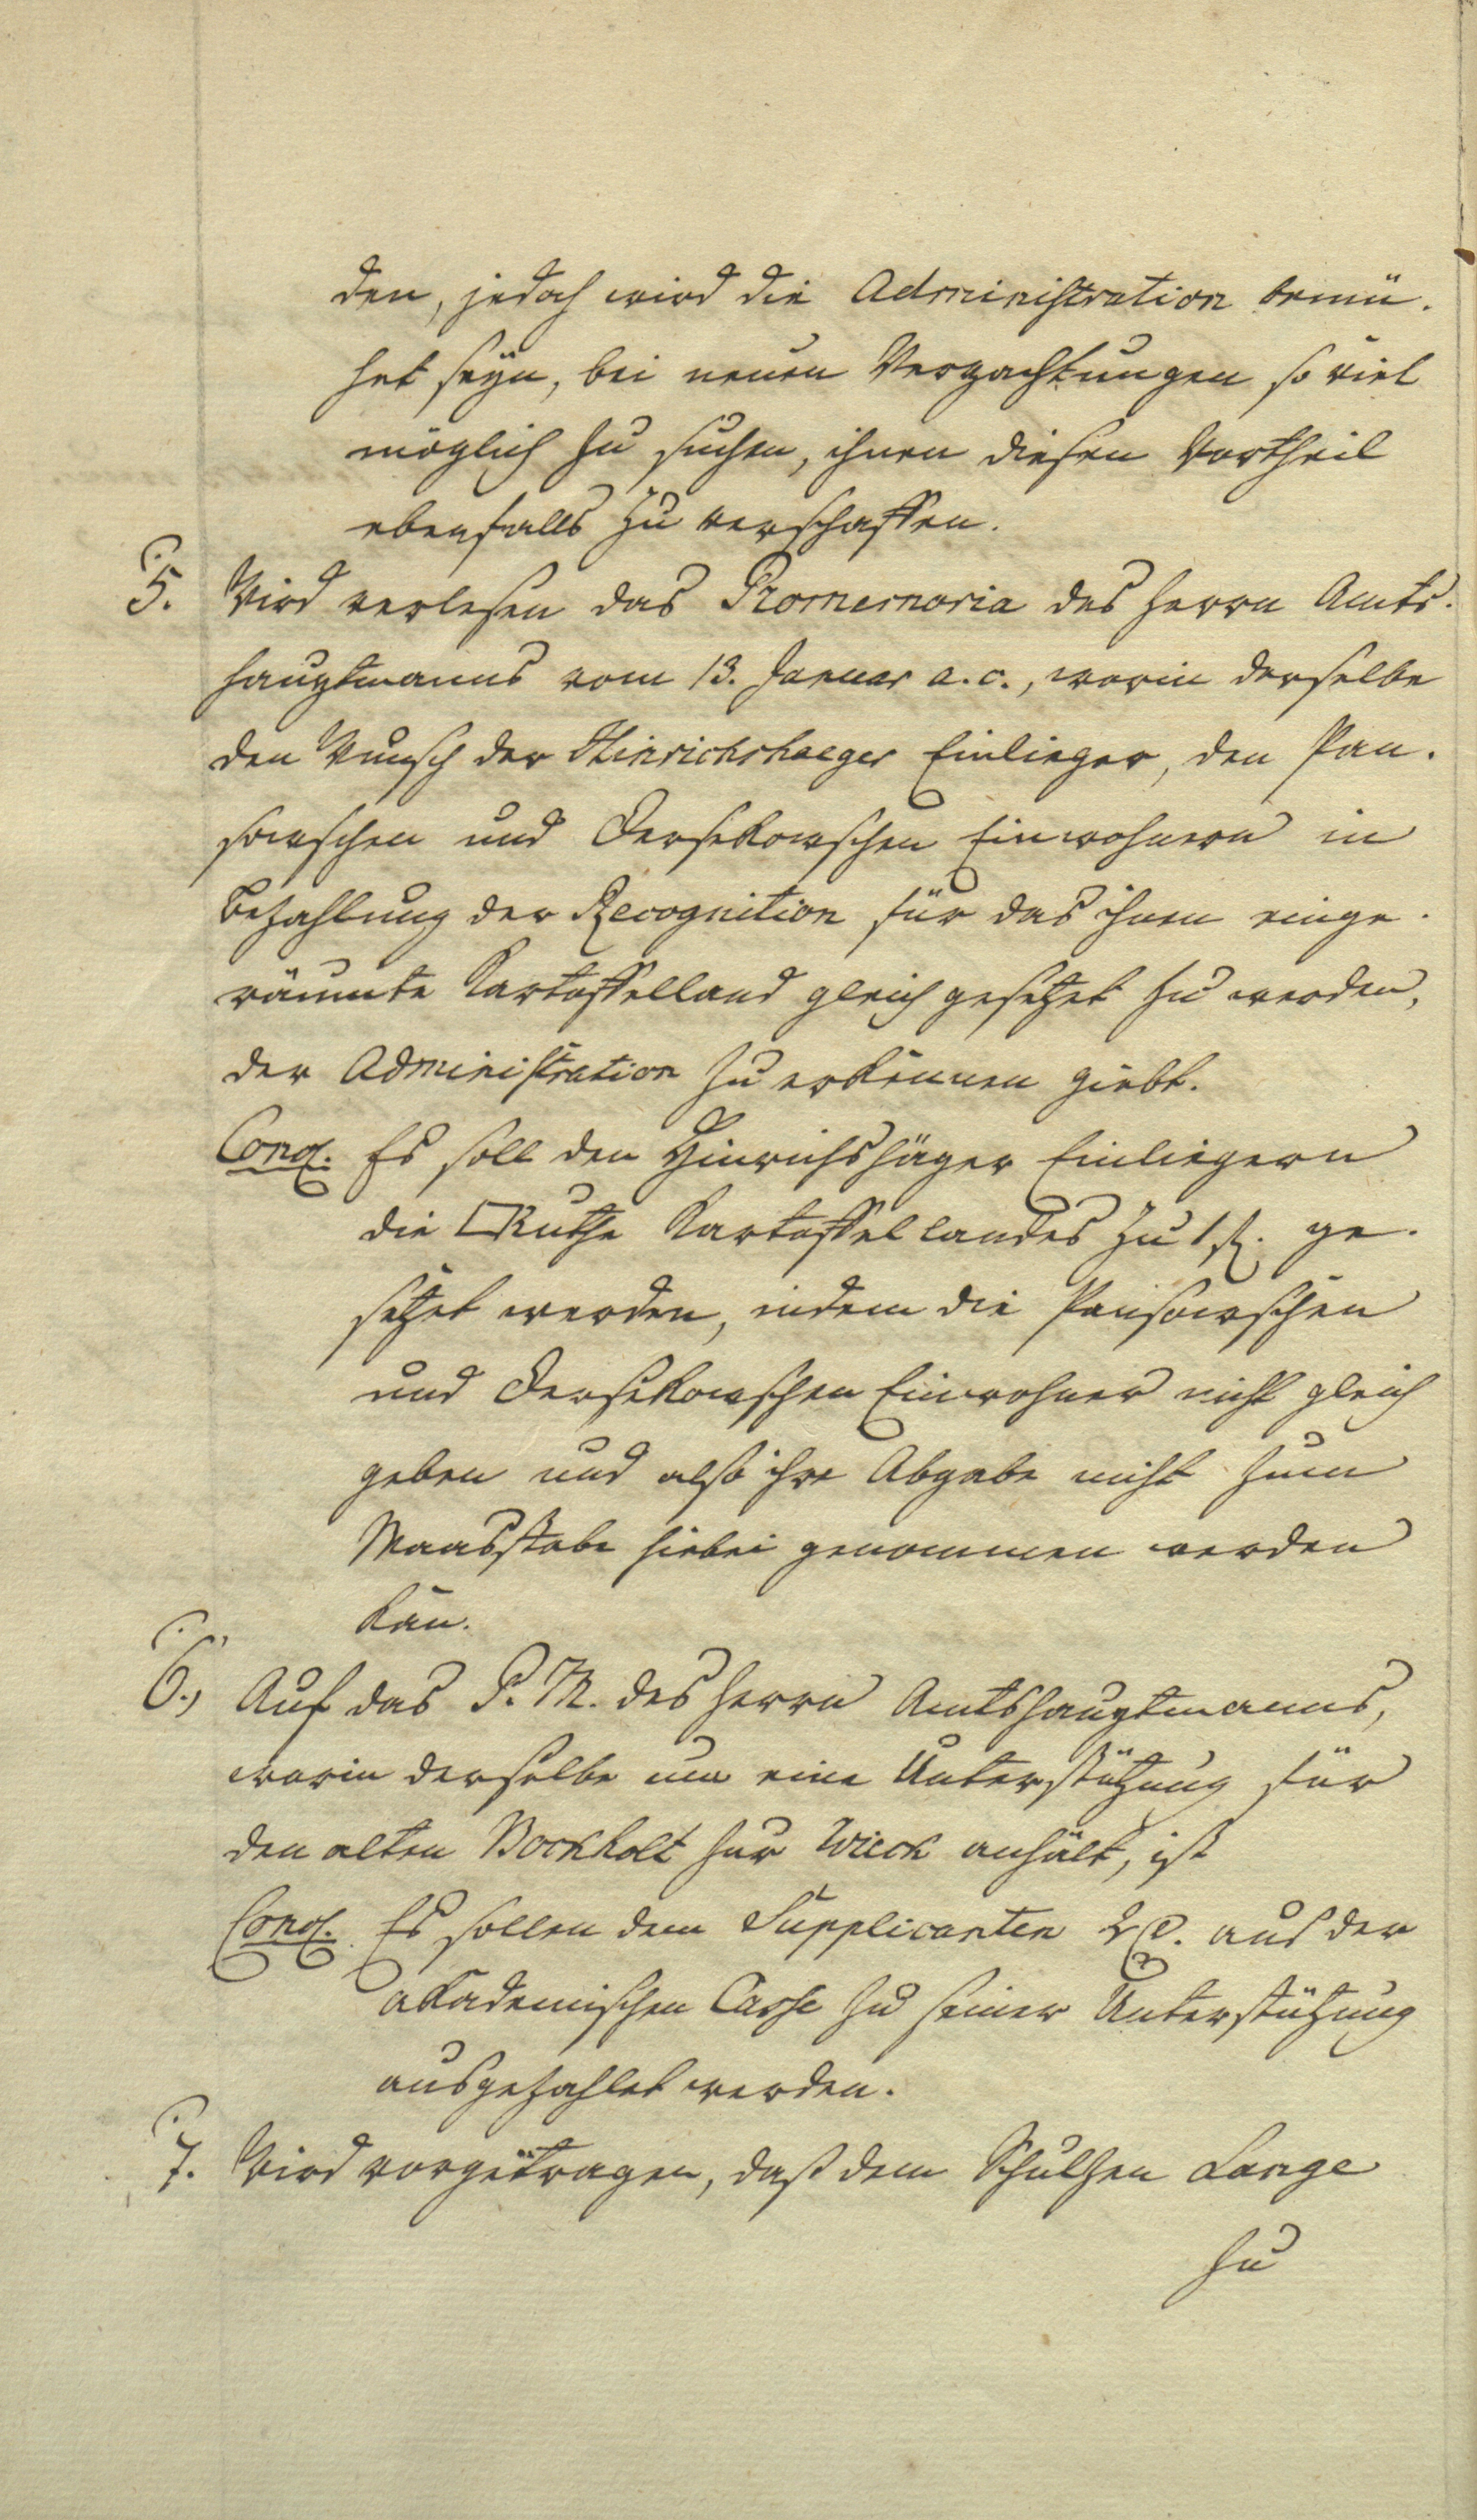den, jedoch wird die Administration bemü¬
het seÿn, bei neuen Verpachtungen so viel
möglich zu suchen, ihnen diesen Vortheil
ebenfalls zu verschaffen.
5. Wird verlesen das Promemoria des Herrn Amts¬
hauptmanns vom 13. Januar a. c., worin derselbe
den Wunsch der Hinrichshaeger Einlieger, den Pan¬
sowschen und Dersekowschen Einwohnern in
Bezahlung der Recognition für das ihnen einge¬
räumte Kartoffelland gleich gesetzet zu werden,
der Administration zu erkennen giebt.
Concl. Es soll den Hinrichshäger Einliegern
die םRuthe Kartoffellandes zu 1 s. ge¬
setzet werden, indem die Pansowschen
und Dersekowschen Einwohner nicht gleich
geben und also ihre Abgabe nicht zum
Maasstabe hiebei genommen werden
kan.
6., Auf das P. M. des Herrn Amtshauptmanns,
worin derselbe um eine Unterstützung für
den alten Bockholt zur Wieck anhält, ist
Concl. Es sollen dem Supplicanten 2 l. aus der
akademischen Casse zu seiner Unterstützung
ausgezahlet werden.
7. Wird vorgetragen, daß dem Schulzen Lange
zu